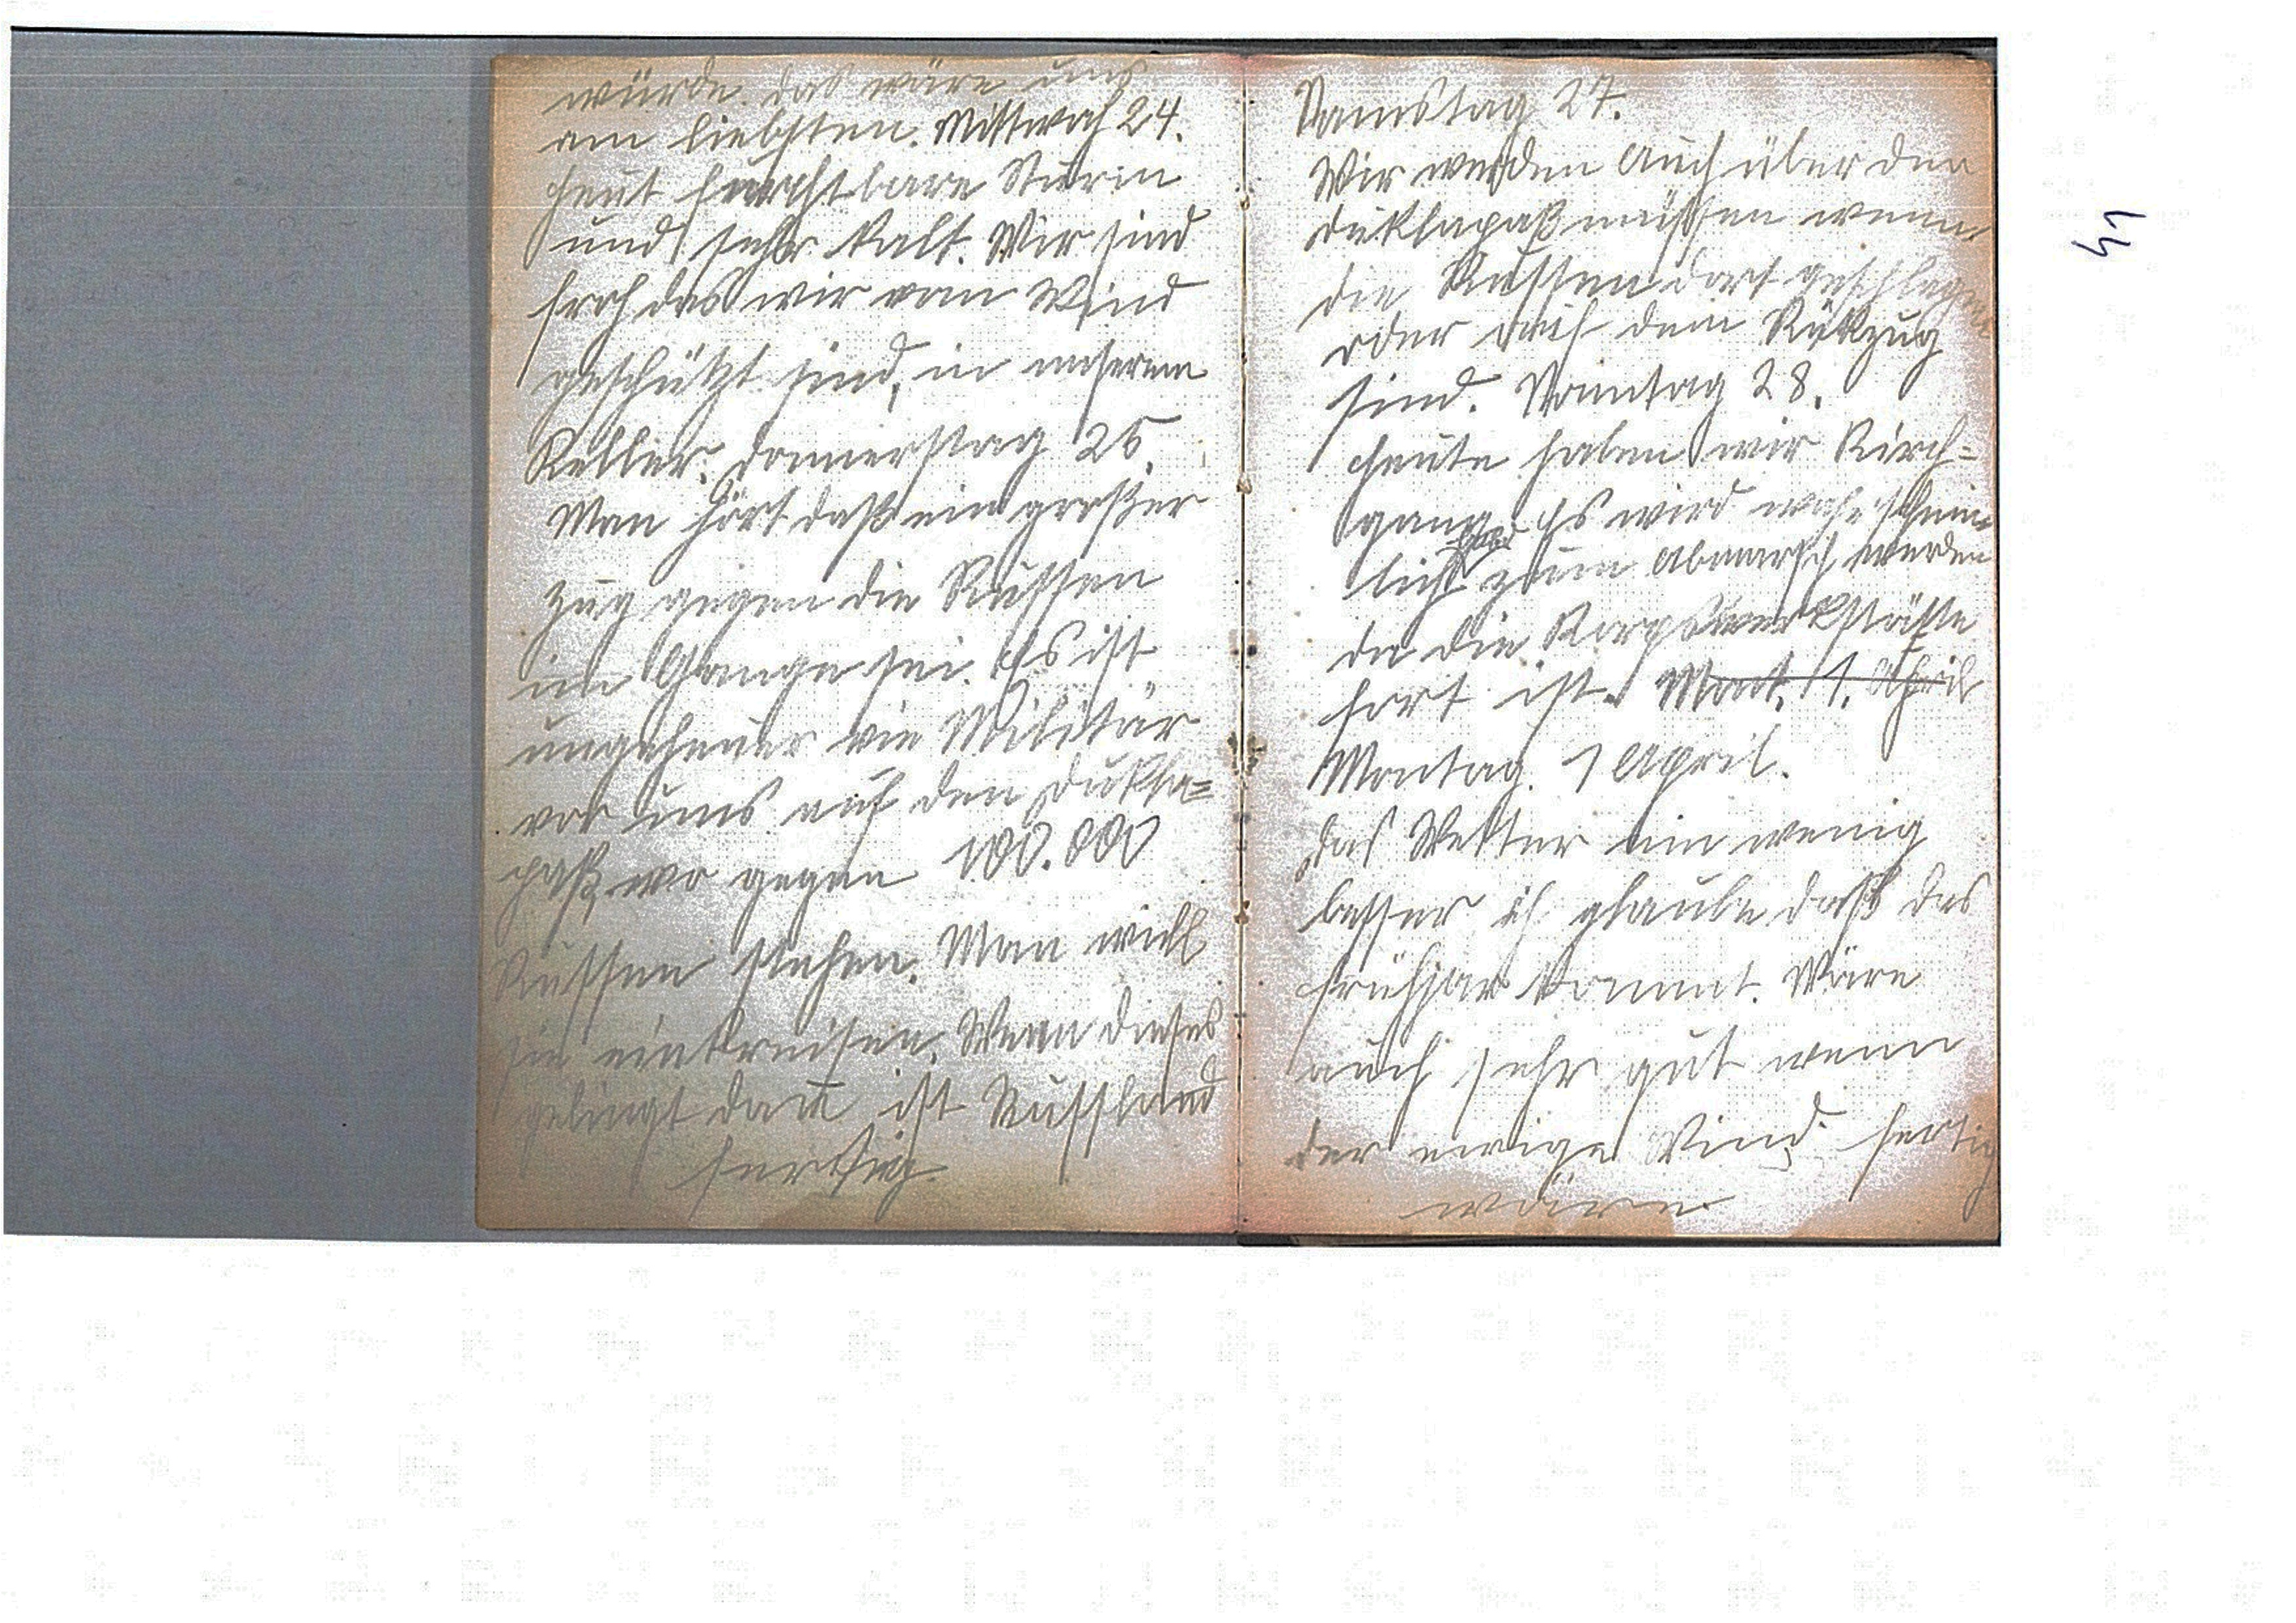würde das wäre uns
am liebsten. Mittwoch 24.
Heut furchtbarer Sturm
und sehr kalt. Wir sind
froh das wir vom Wind
geschützt sind, in unserem
Keller. Donenrstag 25.
Man hört daß ein großer
Zug gegen die Russen
im Gange sei. Es ist
ungeheuer wie Militär
vor uns auf den Dukler-
paß, wo gegen 100.000
Russen stehen. Man will
sie einkreisen. Wenn dieses
gelingt dann ist Russland
fertig.
Donenrstag 27.
Wir werden auch über den
Deklupaß müssen wenn
die Russen dort geschlagen
oder auf dem Rückzug
sind. Sonntag 28.
heute haben wir Kirch-
gang. Es wird wahrschein-
lich bald zum Abmarsch werden
da die Kriegswerkstätte
fort ist.
Montag 1. April
das Wetter ein wenig
besser ich glaube daß der
Frühling kommt. Wäre
auch sehr gut wenn
der eirige Wind fertig
würde.